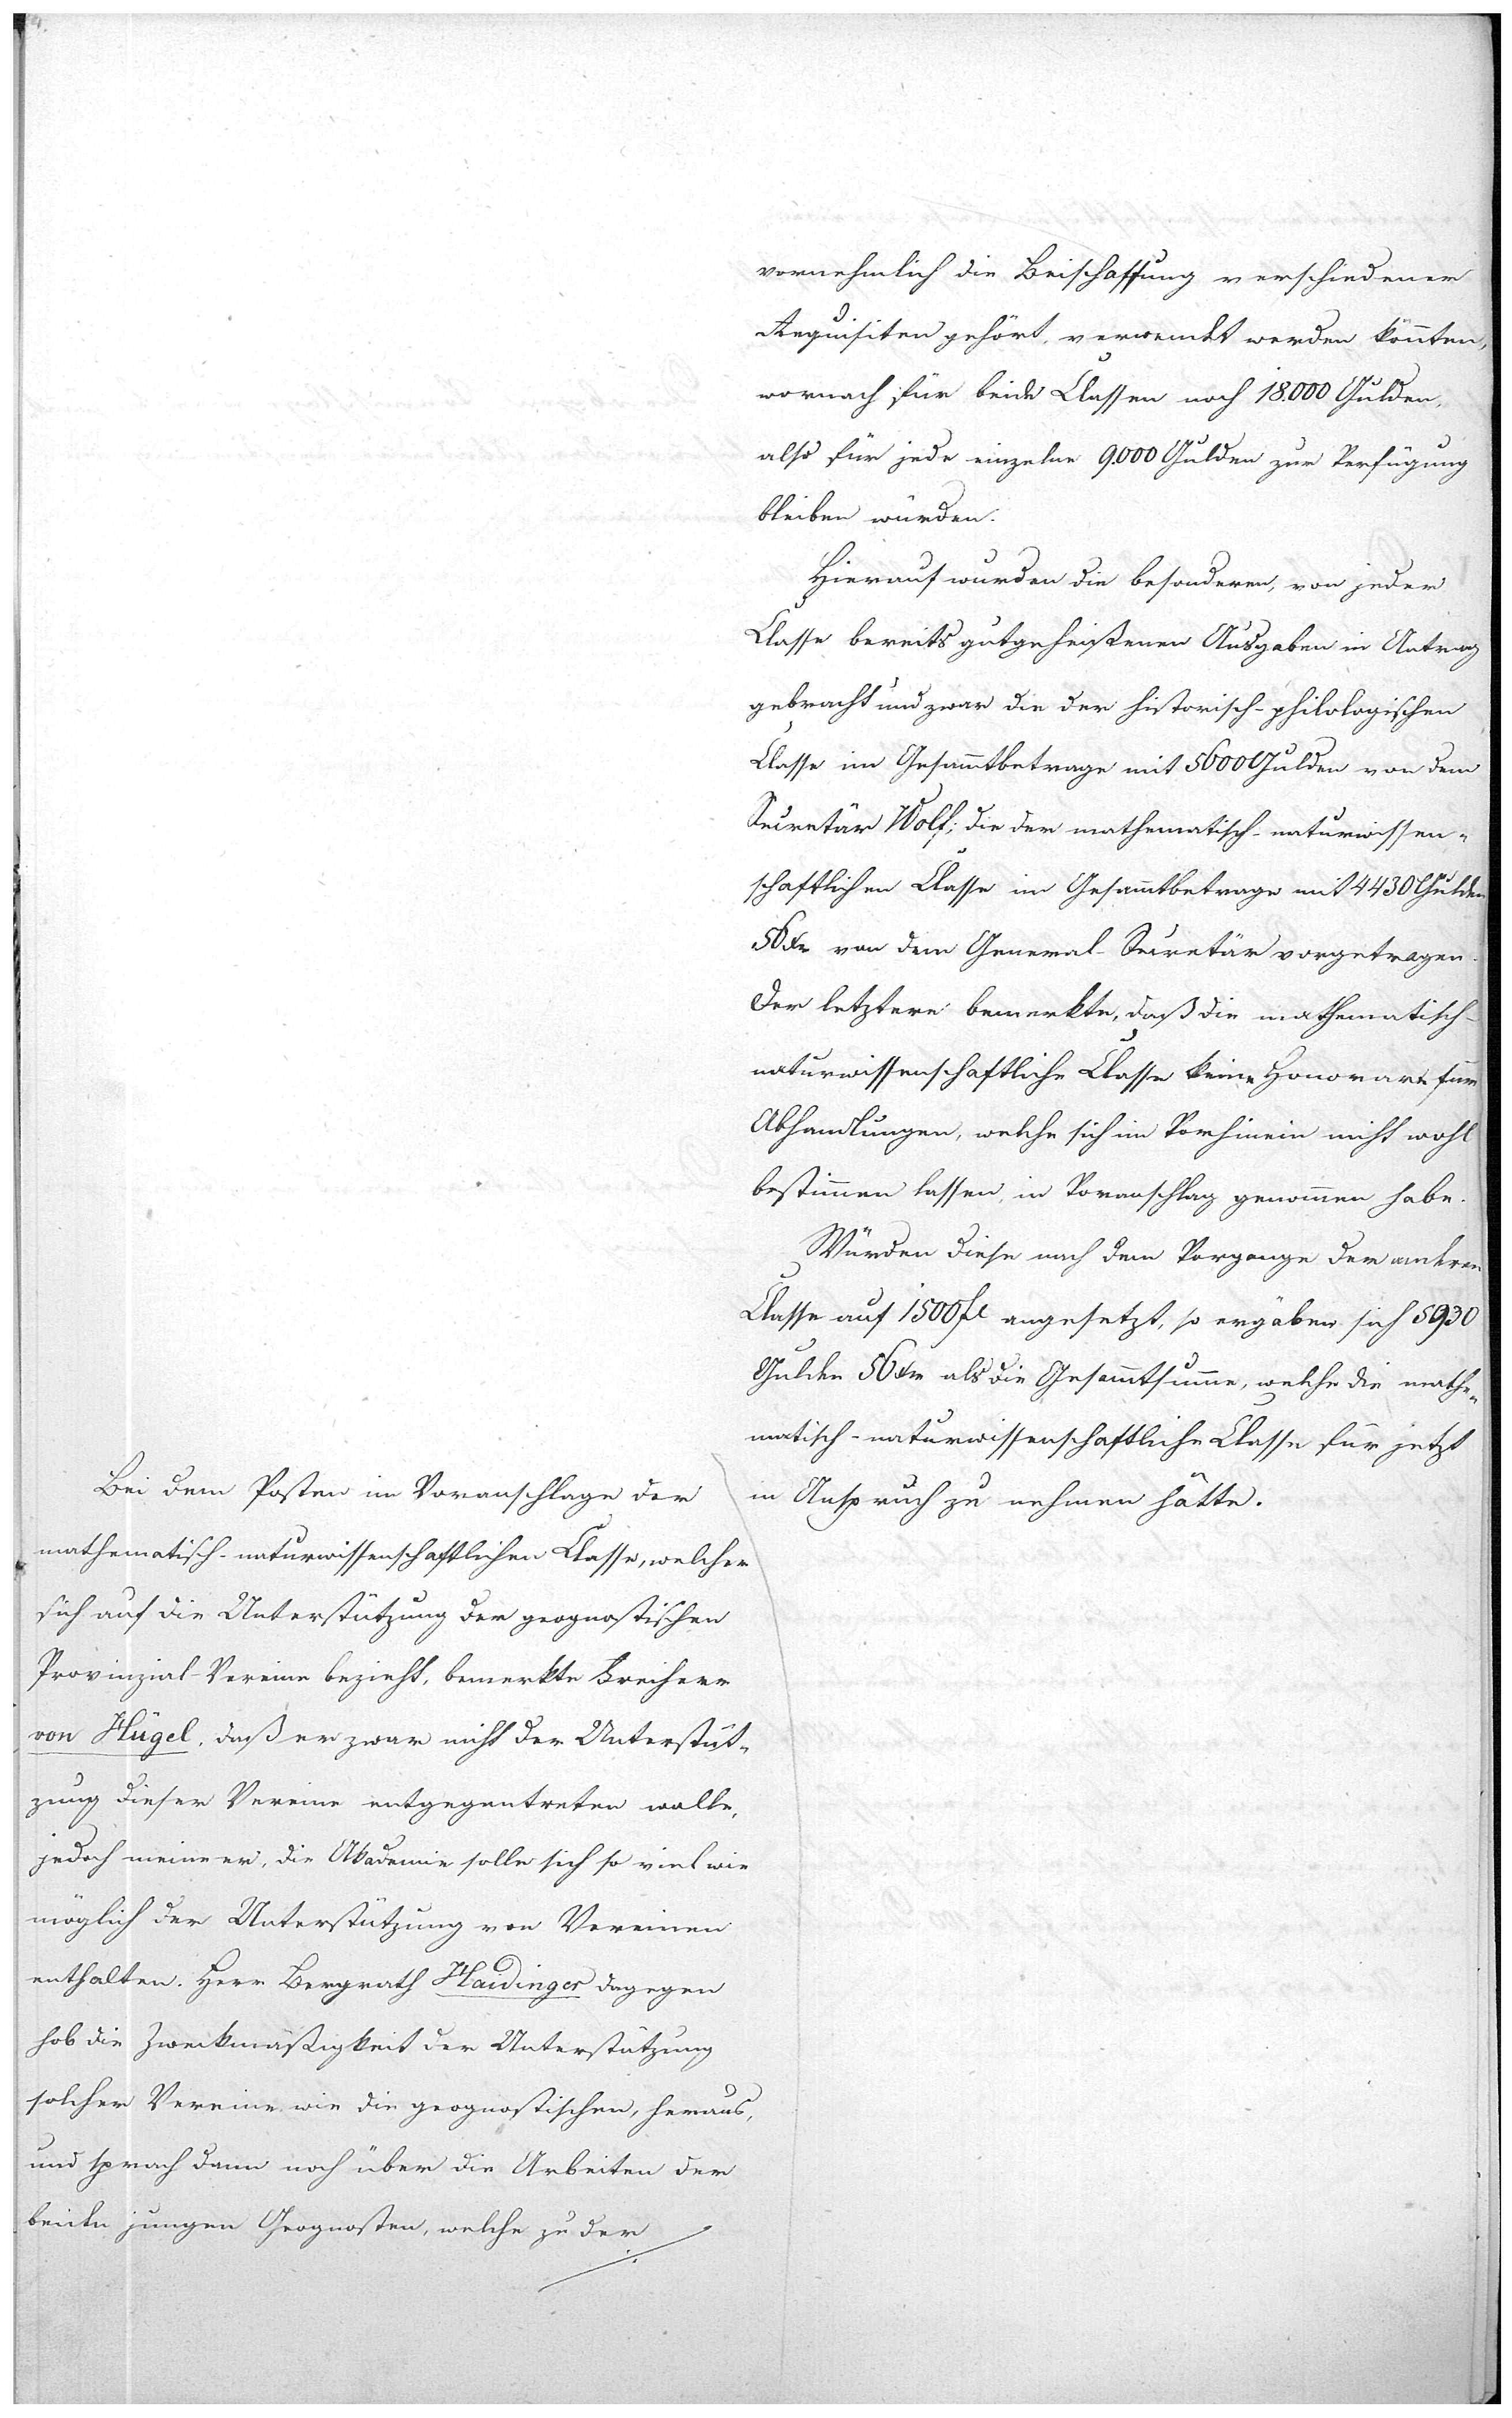vornehmlich die Beischaffung verschiedener
Requisiten gehört, verwendet werden könnten,
wornach für beide Classen noch 18.000 Gulden,
also für jede einzelne 9.000 Gulden zur Verfügung
bleiben würden.
Hierauf wurden die besonderen, von jeder
Classe bereits gutgeheißenen Ausgaben in Antrag
gebracht und zwar die der historisch-philologischen
Classe im Gesammbetrage mit 5600 Gulden von dem
Secretär Wolf; die der mathematisch-naturwissen-
schaftlichen Classe im Gesammtbetrage mit 4430 Gulden
56 kr vorn dem General-Secretär vorgetragen.
Der letztere bemerkte, daß die mathematisch-
naturwissenschaftliche Classe keine Honorare für
Abhandlungen, welche sich im Vorhinein nicht wohl
bestimmen lassne, in Voranschlag genommen habe.
Würden diese nach dem Vorgange der anderen
Classe auf 1500 fl angesetzt, so ergäben sich 5930
Gulden 56 Kr als die Gesammtsumme, welche die mathe-
matisch-naturwissenschaftliche Classe für jetzt
in Anspruch zu nehmen hätte.
Bei dem Posten im Voranschlage der
mathematisch-naturwissenschaftlichen Classe, welcher
sich auf die Unterstützung der prognostischen
Provinzial-Vereine bezieht, bemerkte Freiherr
von Hügel, daß er zwar nicht der Unterstüt-
zung dieser Vereine entgegentreten wolle;
jedoch meine er, die Akademie solle sich so viel wie
möglich der Unterstützung von Vereinen
enthalten. Herr Bergrath Haidinger dagegen
hob die Zweckmäßigkeit der Unterstützung
solcher Vereine wie die prognostischen, heraus,
und sprach dann noch über die Arbeiten der
beiden jungen Geognosten, welche zu der